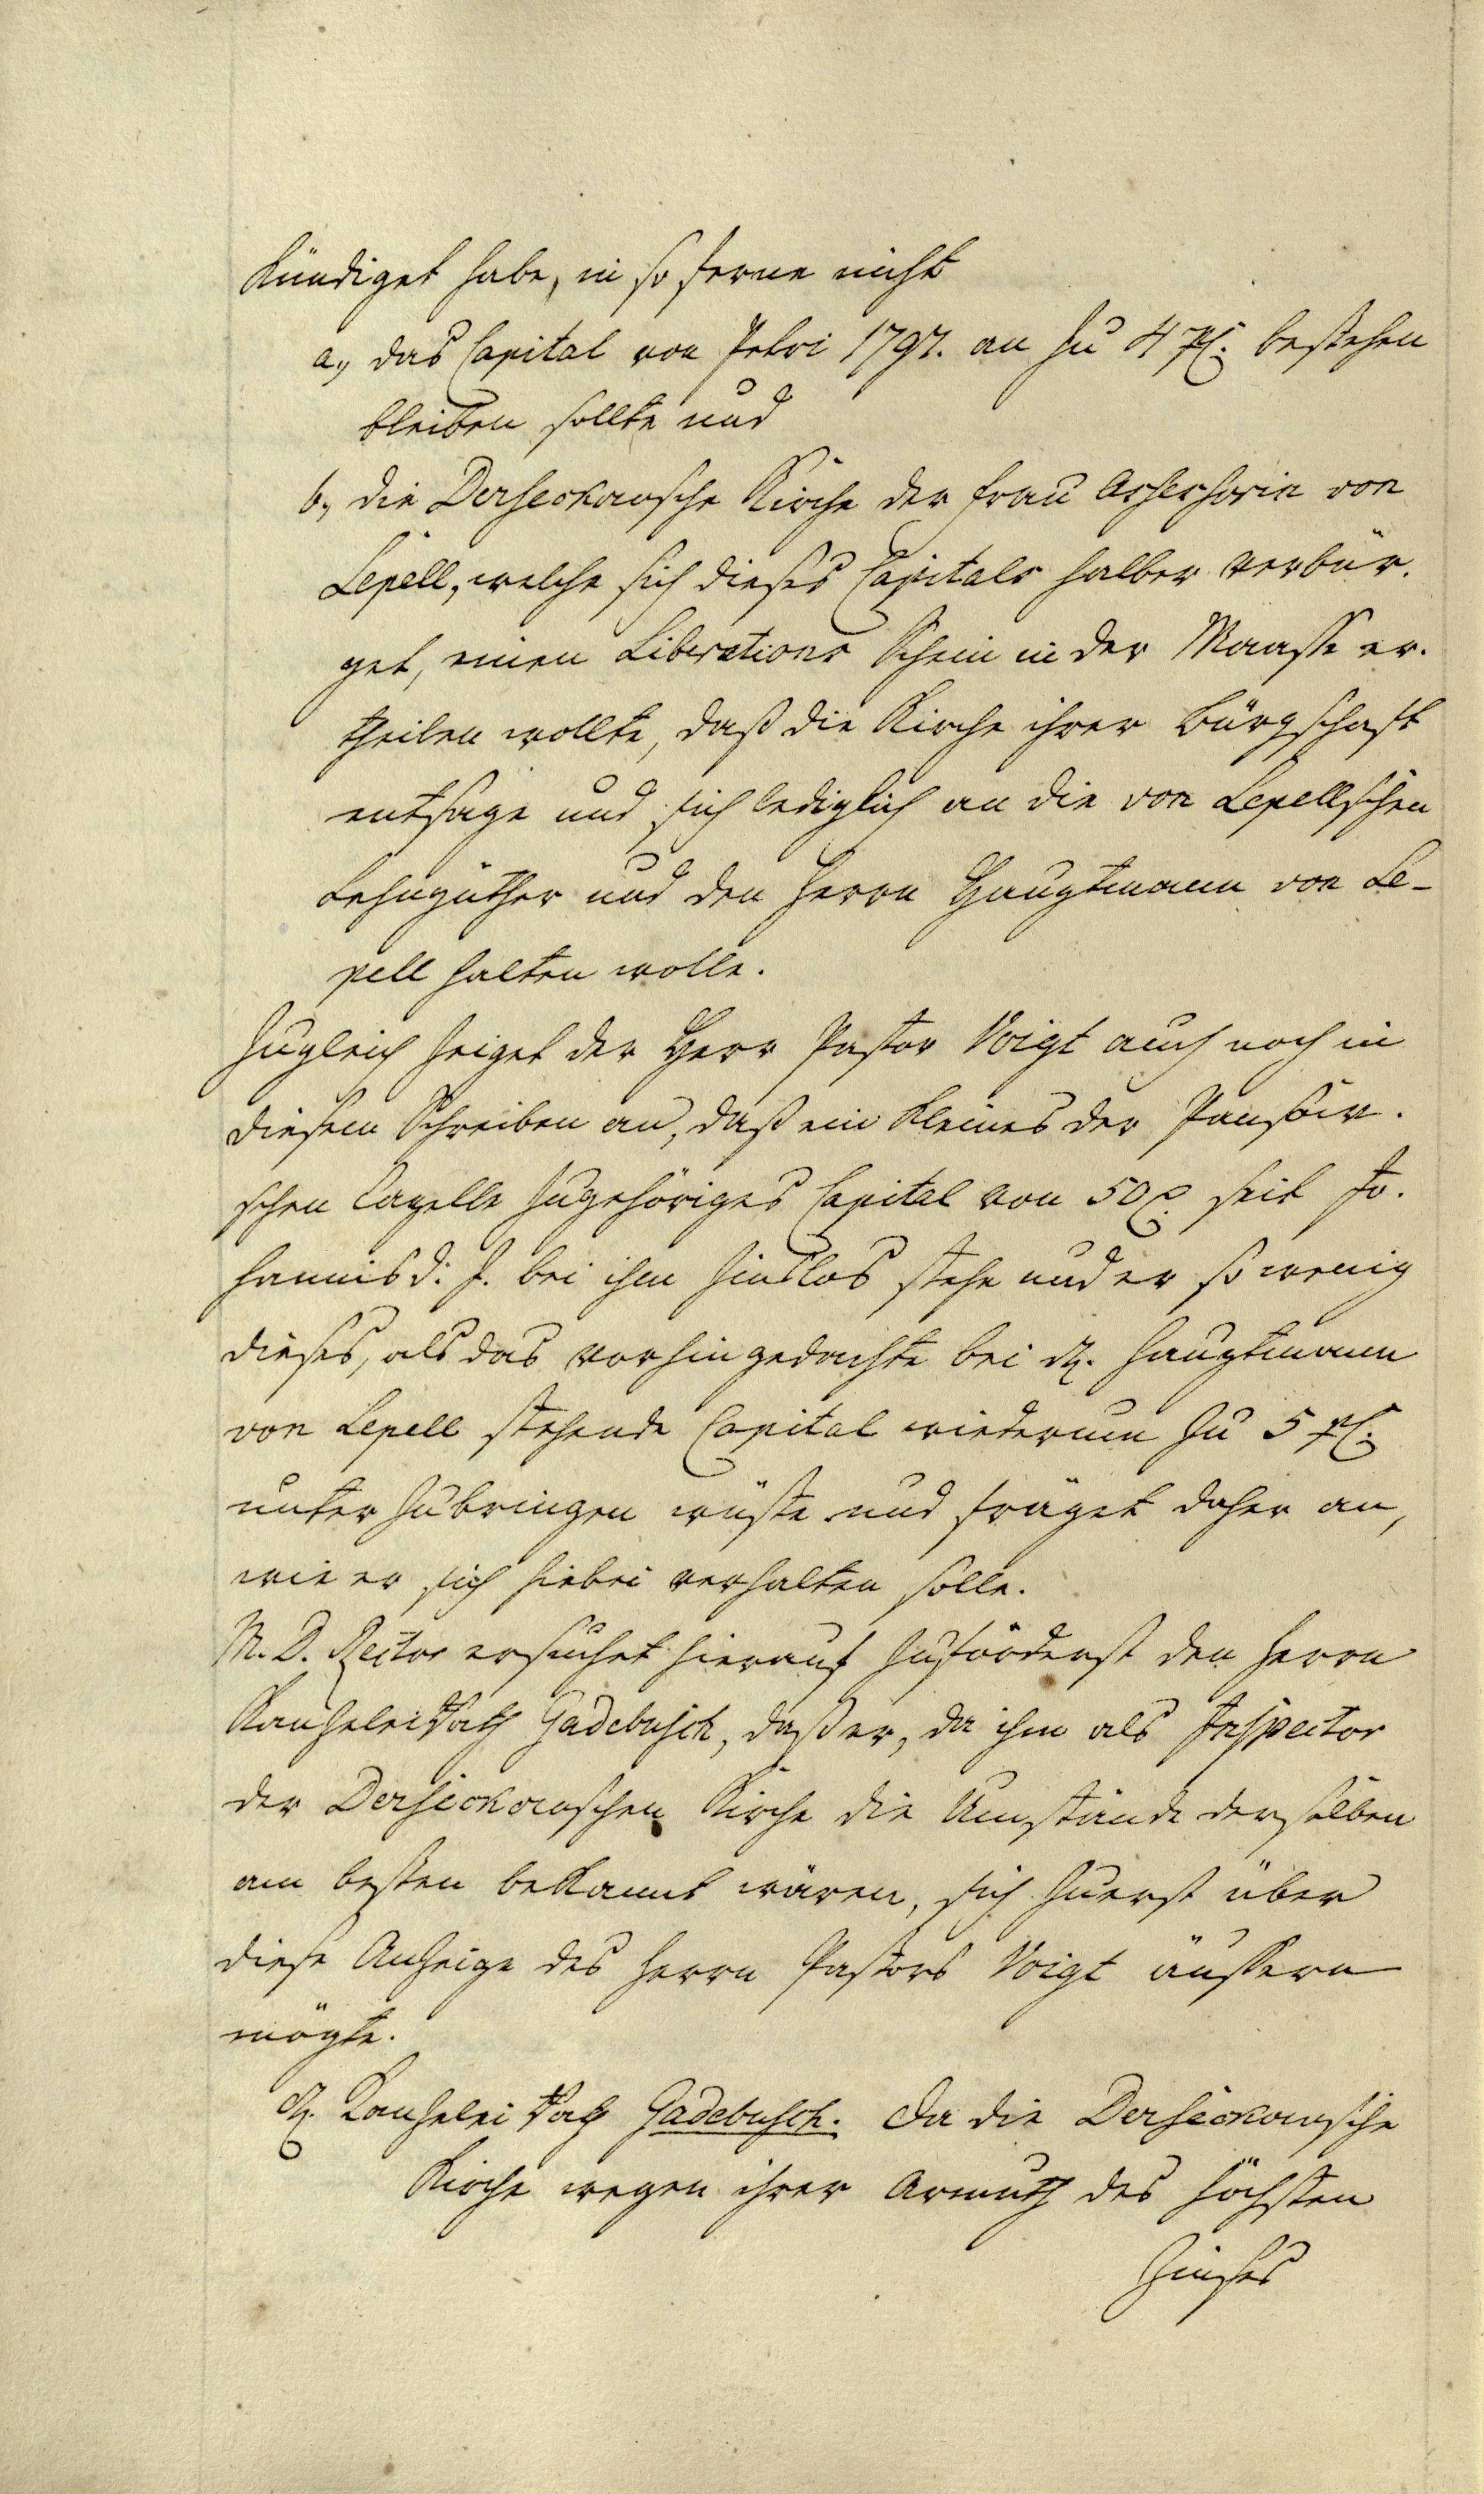kündiget habe, in so ferne nicht
a, das Capital von Petri 1797. an zu 4 pl. bestehen
bleiben sollte und
b., die Derseckowsche Kirche der Frau Assessorin von
Lepell, welche sich dieses Capitals halber verbür¬
get, einen Liberations Schein in der Maasse er¬
theilen wollte, daß die Kirche ihrer Bürgschaft
entsage und sich lediglich an die von Lepellschen
Lehngüther und den Herrn Hauptmann von Le¬
pell halten wolle.
Zugleich zeiget der Herr Pastor Voigt auch noch in
diesem Schreiben an, daß ein kleines der Pansow¬
schen Capelle zugehöriges Capital von 50 l. seit Jo¬
hannis d. J. bei ihm zinslos stehe und er so wenig
dieses, als das vorhingedachte bei dh. Hauptmann
von Lepell stehende Capital wiederum zu 5 pl.
unter zubringen wüßte und fräget daher an,
wie er sich hiebei verhalten solle.
M. D. Rector ersuchet hierauf zuförderst den Herrn
KanzeleiRath Gadebusch, daß er, da ihm als Inspector
der Derseckowschen Kirche die Umstände derselben
am besten bekannt wären, sich zuerst über
diese Anzeige des Herrn Pastors Voigt äussern
mögte.
dh. Kanzelei Rath Gadebusch. Da die Derseckowsche
Kirche wegen ihrer Armuth des höchsten
Zinses